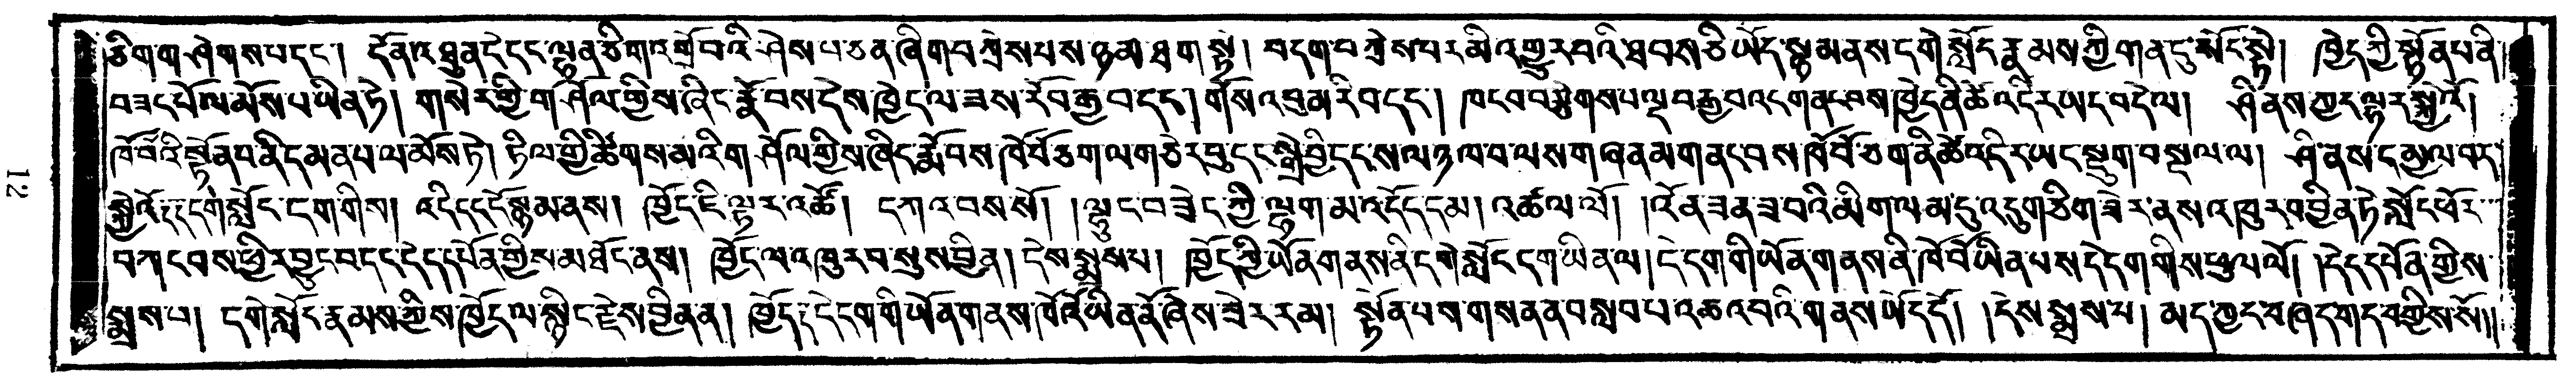ཅིག་གཤེགས་པ་དང་། དོན་འཐུན་དེ་དང་ལྷན་ཅིག་འགྲོ་བའི་ཤེས་པ་ཅན་ཞིག་བཀྲེས་པས་ཉམ་ཐག་སྟེ། བདག་བཀྲེས་པར་མི་འགྱུར་བའི་ཐབས་ཅི་ཡོད་སྙམ་ནས་དགེ་སློང་རྣམས་ཀྱི་གན་དུ་སོང་སྟེ། ཁྱེད་ཀྱི་སྟོན་པ་ནི་
བཟང་པོ་ལ་མོས་པ་ཡིན་ཏེ། གསེར་གྱི་གཤོལ་གྱིས་ཞིང་རྣོ་བས་དེས་ཁྱེད་ལ་ཟས་རོབ་རྒྱ་བ་དང་། གོས་འབུམ་རིབ་དང་། ཁང་བ་བརྩེགས་པ་ལྔ་བརྒྱ་བའང་གནང་བས་ཁྱེད་ནི་ཚེ་འདིར་ཡང་བདེ་ལ། ཤི་ནས་ཀྱང་ལྷར་སྐྱེའོ། །
ཁོ་བོའི་སྟོན་པ་ནི་དམན་པ་ལ་མོས་ཏེ། ཏིལ་གྱི་ཚིགས་མའི་གཤོལ་གྱིས་ཞིང་རྨོ་བས་ཁོ་བོ་ཅག་ལ་གཅེར་བུ་དང་སྒྲེ་བྱི་དང་ས་ལ་ཉལ་བ་ལས་གཞན་མ་གནང་བས་ཁོ་བོ་ཅག་ནི་ཚེ་འདིར་ཡང་སྡུག་བསྔལ་ལ། ཤི་ནས་དམྱལ་བར་
སྐྱེའོ༑ ༑དགེ་སློང་ངག་གིས། འདི་དང་ངོ་སྙམ་ནས། ཁྱོད་ཇི་ལྟར་འཚོ། དཀའ་བས་སོ། །ལྷུང་བཟེད་ཀྱི་ལྷག་མ་འདོད་དམ། འཚལ་ལོ། །འོ་ན་ཟན་ཟ་བའི་མིག་ལམ་དུ་འདུག་ཅིག་ཟེར་ནས་འཁུར་བ་བྱིན་ཏེ་སློང་ཕོར་
བཀང་བས་ཕྱིར་བྱུང་བ་དང་དེད་དཔོན་གྱིས་མཐོང་ནས། ཁྱོད་ལ་འཁུར་བ་སུས་བྱིན། དེས་སྨྲས་པ། ཁྱོད་ཀྱི་ཡོན་གནས་ནི་དགེ་སློང་དག་ཡིན་ལ། དེ་དག་གི་ཡོན་གནས་ནི་ཁོ་བོ་ཡིན་པས་དེ་དག་གིས་ཕུལ་ལོ། །དེད་དཔོན་གྱིས་
སྨྲས་པ། དགེ་སློང་རྣམས་ཀྱིས་ཁྱོད་ལ་སྙིང་རྗེས་བྱིན་ན། ཁྱོད༑ དེ་དག་གི་ཡོན་གནས་ཁོའོ་ཡིན་ནོ་ཞེས་ཟེར་རམ། སྟོན་པས་གསན་ན་བསླབ་པ་འཆའ་བའི་གནས་ཡོད་དོ། །དེས་སྨྲས་པ། མད་ཀྱང་བཞད་གད་བགྱིས་སོ།།